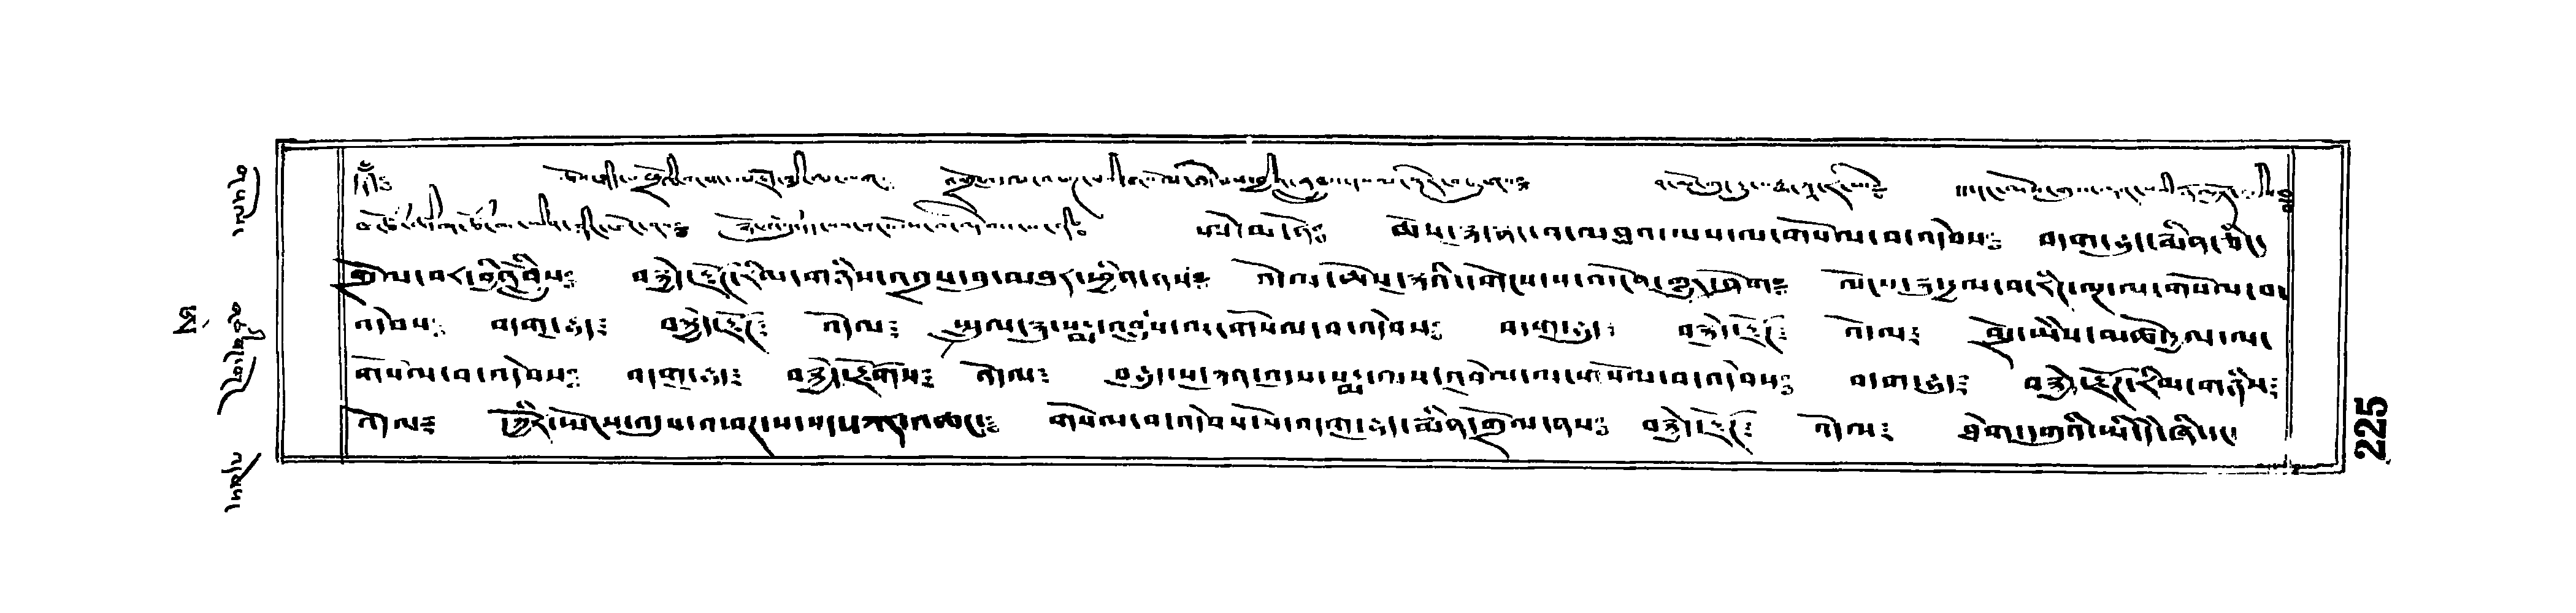ཆོས་ཉིད་མཁའ་འགྲོའི་གསང་མཛོད་ཀྱི་ཆ་ལག༔ འགྲོ་འདུལ་འཕགས་པའི་གསོལ་འདེབས་བྱིན་རླབས་དཔལ་སྟེར་བཞུགས༔ ན་མོ་གུ་རུ་པདྨ་ཀཱ་ར་ཡེ༔ དད་དང་མོས་གུས་ལྡན་པའི་རྣལ་འབྱོར་གྱིས༔ 
ཁ་ཙམ་ཚིག་ཙམ་མ་ཡིན་སྙིང་ཁོང་ནས༔ སྒོ་གསུམ་དད་པས་གསོལ་འདེབས་པ་ནི༔ ཨེ་མ་ཧོ༔ ཆོས་སྐུ་སྣང་བ་མཐའ་ཡས་ལ་གསོལ་བ་འདེབས༔ བདག་རྒྱུད་སྨིན་ཅིང་
གྲོལ་བར་བྱིན་གྱིས་རློབས༔ བསྐྱེད་རྫོགས་རིམ་གཉིས་འབྲས་བུ་མཐར་ཕྱིན་ནས༔ འོད་གསལ་ཆོས་སྐུའི་དགོངས་པ་མངོན་གྱུར་ཤོག༔ ལོངས་སྐུ་རྒྱལ་བ་རིགས་ལྔ་ལ་གསོལ་བ་
འདེབས༔ བདག་རྒྱུད༴ བསྐྱེད་རྫོགས༴ འོད་གསལ༴ སྤྲུལ་སྐུ་པདྨ་འབྱུང་གནས་ལ་གསོལ་བ་འདེབས༔ བདག་རྒྱུད༴ བསྐྱེད་རྫོགས༴ འོད་གསལ༴ མཁའ་འགྲོ་ཡེ་ཤེས་མཚོ་རྒྱལ་ལ་
གསོལ་བ་འདེབས༔ བདག་རྒྱུད༴ བསྐྱེད་རྫོགས༴ འོད་གསལ༴ བརྒྱུད་པ་ཀུན་འདུས་པདྨ་ལས་འབྲེལ་ལ་གསོལ་བ་འདེབས༔ བདག་རྒྱུད༴ བསྐྱེད་རྫོགས་རིམ་གཉིས༴ 
འོད་གསལ༴ དཀྱིལ་འཁོར་ཡོངས་འདུས་འཕགས་པ་པད་དཀར་འཆང༔ གསོལ་བ་འདེབས་སོ་བདག་རྒྱུད་སྨིན་གྲོལ་ནས༔ བསྐྱེད་རྫོགས༴ འོད་གསལ༴ ཐེག་དགུའི་ཡི་དམ་ཞི་དང་